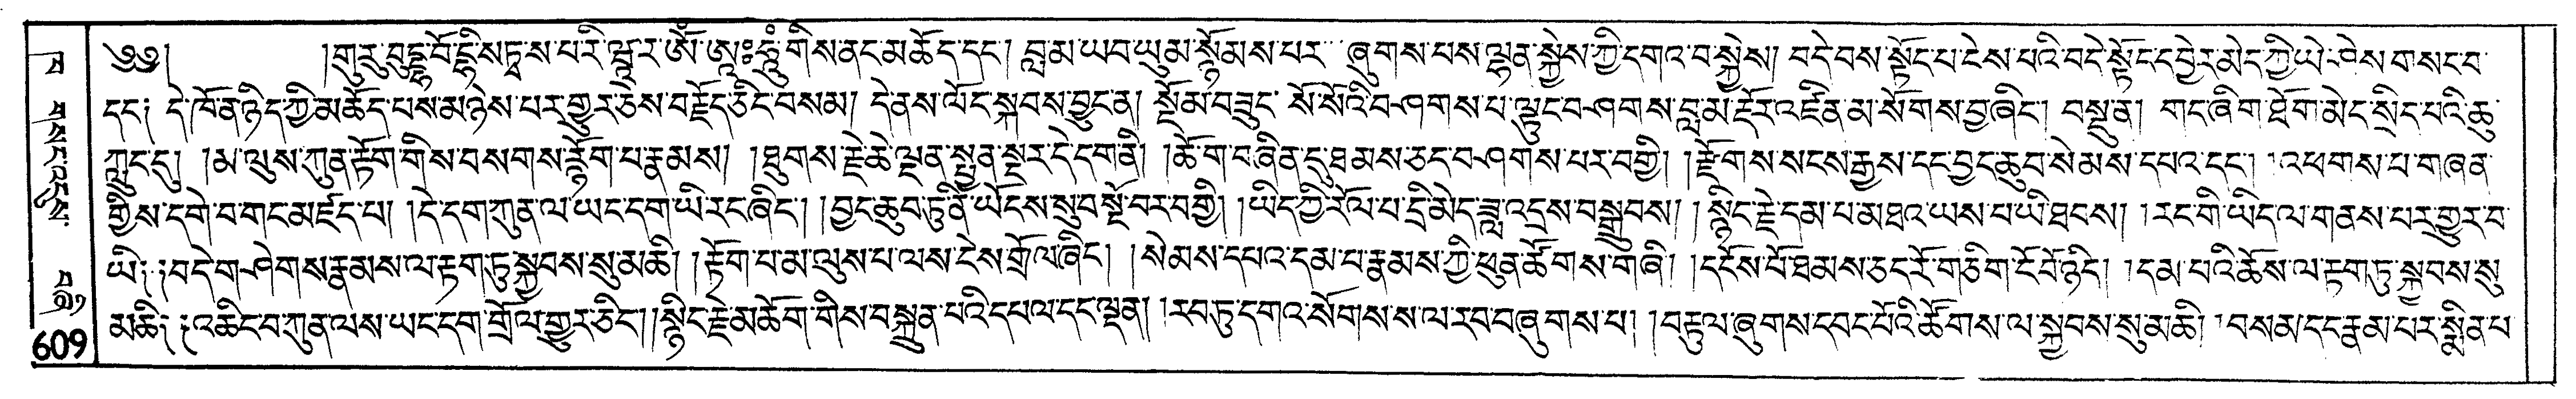༄༅། །གུ་རུ་བུདྡྷ་བོ་དྷི་སཏྭ་ས་པ་རི་ཝཱ་ར་ཨོཾ་ཨཱཿ ཧཱུཾ་གིས་ནང་མཆོད་དང་། བླ་མ་ཡབ་ཡུམ་སྙོམས་པར་ཞུགས་པས་ལྷན་སྐྱེས་ཀྱི་དགའ་བ་སྐྱེས། བདེ་བས་སྟོང་པ་ངེས་པའི་བདེ་སྟོང་དབྱེར་མེད་ཀྱི་ཡེ་ཤེས་གསང་བ་
དང༑ དེ་ཁོ་ན་ཉིད་ཀྱི་མཆོད་པས་མཉེས་པར་གྱུར་ཅེས་བརྗོད་ཅིང་བསམ། དེ་ནས་ལོང་སྐབས་བྱུང་ན། སྡོམ་བཟུང་སོ་སོའི་བཤགས་པ་ལྟུང་བཤགས་བླ་མ་རྡོར་འཛིན་མ་སོགས་བྱ་ཞིང་། བསྡུ་ན། གང་ཞིག་ཐོག་མེད་སྲིད་པའི་ཆུ་
ཀླུང་དུ། །མ་ལུས་ཀུན་རྟོག་གིས་བསགས་རྙོག་པ་རྣམས། །ཐུགས་རྗེ་ཆེ་ལྡན་སྤྱན་སྔར་དེ་དག་ནི། །ཆོ་ག་བཞིན་དུ་ཐམས་ཅད་བཤགས་པར་བགྱི། །རྫོགས་སངས་རྒྱས་དང་བྱང་ཆུབ་སེམས་དཔའ་དང་། །འཕགས་པ་གཞན་
གྱིས་དགེ་བ་གང་མཛད་པ། །དེ་དག་ཀུན་ལ་ཡང་དག་ཡི་རང་ཞིང་། །བྱང་ཆུབ་ཏུ་ནི་ཡོངས་སུ་བསྔོ་བར་བགྱི། །ཡིད་ཀྱི་རོལ་པ་དྲི་མེད་ཟླ་འདྲས་བསྒྲུབས། །སྙིང་རྗེ་དམ་པ་མཐའ་ཡས་པ་ཡི་ཐབས། །རང་གི་ཡིད་ལ་གནས་པར་གྱུར་བ་
ཡི༑ ༑བདེ་གཤེགས་རྣམས་ལ་རྟག་ཏུ་སྐྱབས་སུ་མཆི། །རྟོག་པ་མ་ལུས་པ་ལས་ངེས་གྲོལ་ཞིང་། །སེམས་དཔའ་དམ་པ་རྣམས་ཀྱི་ཕུན་ཚོགས་གཞི། །དངོས་པོ་ཐམས་ཅད་རོ་གཅིག་ངོ་བོ་ཉིད། །དམ་པའི་ཆོས་ལ་རྟག་ཏུ་སྐྱབས་སུ་
མཆི༑ ༑འཆིང་བ་ཀུན་ལས་ཡང་དག་གྲོལ་གྱུར་ཅིང་། །སྙིང་རྗེ་མཆོག་གིས་བསྐྲུན་པའི་དཔལ་དང་ལྡན། །རབ་ཏུ་དགའ་སོགས་ས་ལ་རབ་བཞུགས་པ། །བརྟུལ་ཞུགས་དབང་པོའི་ཚོགས་ལ་སྐྱབས་སུ་མཆི། །བསམ་དང་རྣམ་པར་སྨིན་པ་